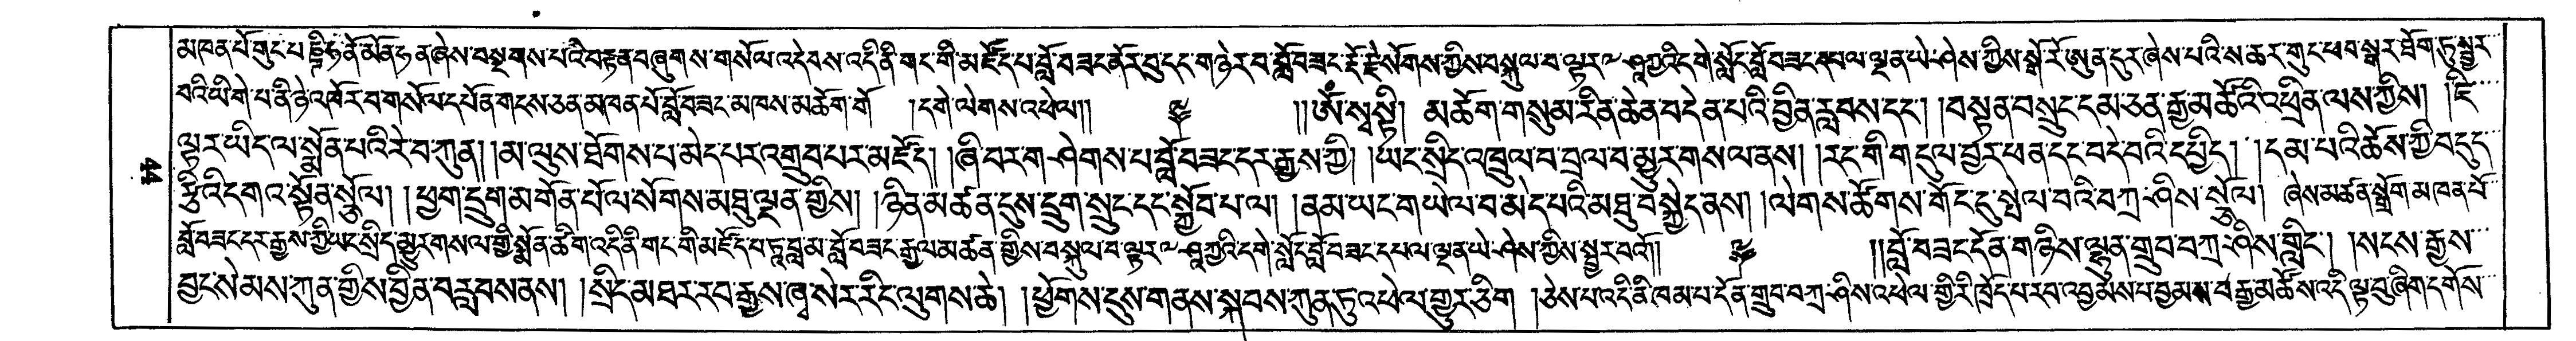མཁན་པོ་གུང་པཎྜི་ཏ་ནོ་མོན་ཏན་ཞེས་བསྔགས་པའི་བརྟན་བཞུགས་གསོལ་འདེབས་འདི་ནི་གང་གི་མཛོད་པ་བློ་བཟང་ནོར་བུ་དང་གཉེར་པ་བློ་བཟང་རྡོ་རྗེ་སོགས་ཀྱིས་བསྐུལ་བ་ལྟར ༧ཤཱཀྱའི་དགེ་སློང་བློ་བཟང་དཔལ་ལྡན་ཡེ་ཤེས་ཀྱིས་སྦོ་རོ་ཨུན་དུར་ཞེས་པའི་ས་ཆར་གུད་ཕབ་སྒར་ཐོག་ཏུ་སྦྱར་
བའི་ཡི་གེ་བ་ནི་ཉེ་འཁོར་བ་གསོལ་དཔོན་གངས་ཅན་མཁན་པོ་བློ་བཟང་མཁས་མཆོག་གོ །དགེ་ལེགས་འཕེལ།། ༈ །།ཨོཾ་སྭ་སྟི། མཆོག་གསུམ་རིན་ཆེན་བདེན་པའི་བྱིན་རླབས་དང་། །བསྟན་བསྲུང་དམ་ཅན་རྒྱ་མཚོའི་འཕྲིན་ལས་ཀྱིས། །ཇི་
ལྟར་ཡིད་ལ་སྨོན་པའི་རེ་བ་ཀུན། །མ་ལུས་ཐོགས་པ་མེད་པར་འགྲུབ་པར་མཛོད། །ཞི་བར་གཤེགས་པ་བློ་བཟང་དར་རྒྱས་ཀྱི། །ཡང་སྲིད་འཁྲུལ་པ་བྲལ་བ་མྱུར་གསལ་ནས། །རང་གི་གདུལ་བྱར་ཕན་དང་བདེ་བའི་དཔྱིད། །དམ་པའི་ཆོས་ཀྱི་བདུད་
རྩིའི་དགའ་སྟོན་སྩོལ། །ཕྱག་དྲུག་མགོན་པོ་ལ་སོགས་མཐུ་ལྡན་གྱིས། །ཉིན་མཚན་དུས་དྲུག་སྲུང་དང་སྐྱོབ་པ་ལ། །ནམ་ཡང་གཡེལ་བ་མེད་པའི་མཐུ་བསྐྱེད་ནས། །ལེགས་ཚོགས་གོང་དུ་སྤེལ་བའི་བཀྲ་ཤིས་སྩོལ། ཞེས་མཚན་སྒྲོག་མཁན་པོ་
བློ་བཟང་དར་རྒྱས་ཀྱི་ཡང་སྲིད་མྱུར་གསལ་གྱི་སྨོན་ཚིག་འདི་ནི་གང་གི་མཛོད་པ་ཏཱ་བླ་མ་བློ་བཟང་རྒྱལ་མཚན་གྱིས་བསྐུལ་བ་ལྟར ༧ཤཱཀྱའི་དགེ་སློང་བློ་བཟང་དཔལ་ལྡན་ཡེ་ཤེས་ཀྱིས་སྦྱར་བའོ།། ༈ །།བློ་བཟང་དོན་གཉིས་ལྷུན་གྲུབ་བཀྲ་ཤིས་གླིང་། །སངས་རྒྱས་
བྱང་སེམས་ཀུན་གྱིས་བྱིན་བརླབས་ནས། །སྲིད་མཐར་རབ་རྒྱས་ཞྭ་སེར་རིང་ལུགས་ཆེ། །ཕྱོགས་དུས་གནས་སྐབས་ཀུན་ཏུ་འཕེལ་གྱུར་ཅིག་།ཅེས་པ་འདི་ནི་ཁམས་དོན་གྲུབ་བཀྲ་ཤིས་འཕེལ་གྱི་རི་ཁྲོད་པ་རབ་འབྱམས་བ་བྱམས་པ་རྒྱ་མཚོས་འདི་ལྟ་བུ་ཞིག་དགོས